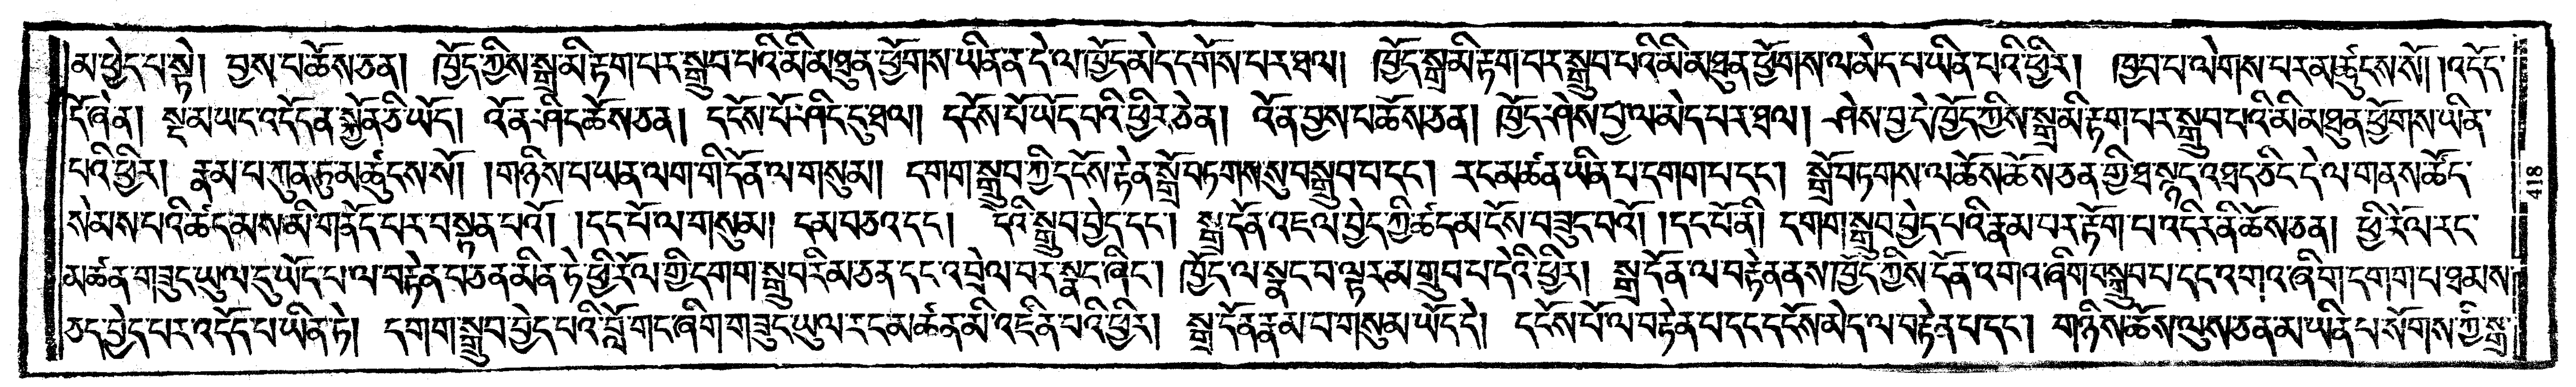མ་ཕྱེད་པ་སྟེ། བྱས་པ་ཆོས་ཅན། ཁྱོད་ཀྱིས་སྒྲ་མི་རྟག་པར་སྒྲུབ་པའི་མི་མཐུན་ཕྱོགས་ཡིན་ན་དེ་ལ་ཁྱོད་མེད་དགོས་པར་ཐལ། ཁྱོད་སྒྲ་མི་རྟག་པར་སྒྲུབ་པའི་མི་མཐུན་ཕྱོགས་ལ་མེད་པ་ཡིན་པའི་ཕྱིར། ཁྱབ་པ་ལེགས་པར་མཚུངས་སོ། །འདོད་
དོ་ཞེ་ན། སྔ་མ་ཡང་འདོད་ན་སྐྱོན་ཅི་ཡོད། འོ་ན་ཤིང་ཆོས་ཅན། དངོས་པོ་ཤིང་དུ་ཐལ། དངོས་པོ་ཡོད་པའི་ཕྱིར་ཅེ་ན། འོ་ན་བྱས་པ་ཆོས་ཅན། ཁྱོད་ཤེས་བྱ་ལ་མེད་པར་ཐལ། ཤེས་བྱ་དེ་ཁྱོད་ཀྱིས་སྒྲ་མི་རྟག་པར་སྒྲུབ་པའི་མི་མཐུན་ཕྱོགས་ཡིན་
པའི་ཕྱིར། རྣམ་པ་ཀུན་ཏུ་མཚུངས་སོ། །གཉིས་པ་ཡན་ལག་གི་དོན་ལ་གསུམ། དགག་སྒྲུབ་ཀྱི་དངོས་རྟེན་སྒྲོ་བཏགས་སུ་བསྒྲུབ་པ་དང་། རང་མཚན་ཡིན་པ་དགག་པ་དང་། སྒྲོ་བཏགས་ལ་ཆོས་ཅན་གྱི་ཐ་སྙད་འཐད་ཅིང་དེ་ལ་གནས་ཚོད་
སེམས་པའི་ཚད་མས་མི་གནོད་པར་བསྟན་པའོ། །དང་པོ་ལ་གསུམ། དམ་བཅའ་དང་། དེའི་སྒྲུབ་བྱེད་དང་། སྒྲ་དོན་འཇལ་བྱེད་ཀྱི་ཚད་མ་ངོས་བཟུང་བའོ། །དང་པོ་ནི། དགག་སྒྲུབ་བྱེད་པའི་རྣམ་པར་རྟོག་པ་འདིར་ནི་ཆོས་ཅན། ཕྱི་རོལ་རང་
མཚན་གཟུང་ཡུལ་དུ་ཡོད་པ་ལ་བརྟེན་པ་ཅན་མིན་ཏེ་ཕྱི་རོལ་གྱི་དགག་སྒྲུབ་རིམ་ཅན་དང་འབྲེལ་བར་སྣང་ཞིང་། ཁྱོད་ལ་སྣང་བ་ལྟར་མ་གྲུབ་པ་དེའི་ཕྱིར། སྒྲ་དོན་ལ་བརྟེན་ནས་ཁྱོད་ཀྱིས་དོན་འགའ་ཞིག་བསྒྲུབ་པ་དང་འགའ་ཞིག་དགག་པ་ཐམས་
ཅད་བྱེད་པར་འདོད་པ་ཡིན་ཏེ། དགག་སྒྲུབ་བྱེད་པའི་བློ་གང་ཞིག་གཟུང་ཡུལ་རང་མཚན་མི་འཛིན་པའི་ཕྱིར། སྒྲ་དོན་རྣམ་པ་གསུམ་ཡོད་དེ། དངོས་པོ་ལ་བརྟེན་པ་དང་དངོས་མེད་ལ་བརྟེན་པ་དང་། གཉིས་ཆོས་ལུས་ཅན་མ་ཡིན་པ་སོགས་ཀྱི་སྒྲ་